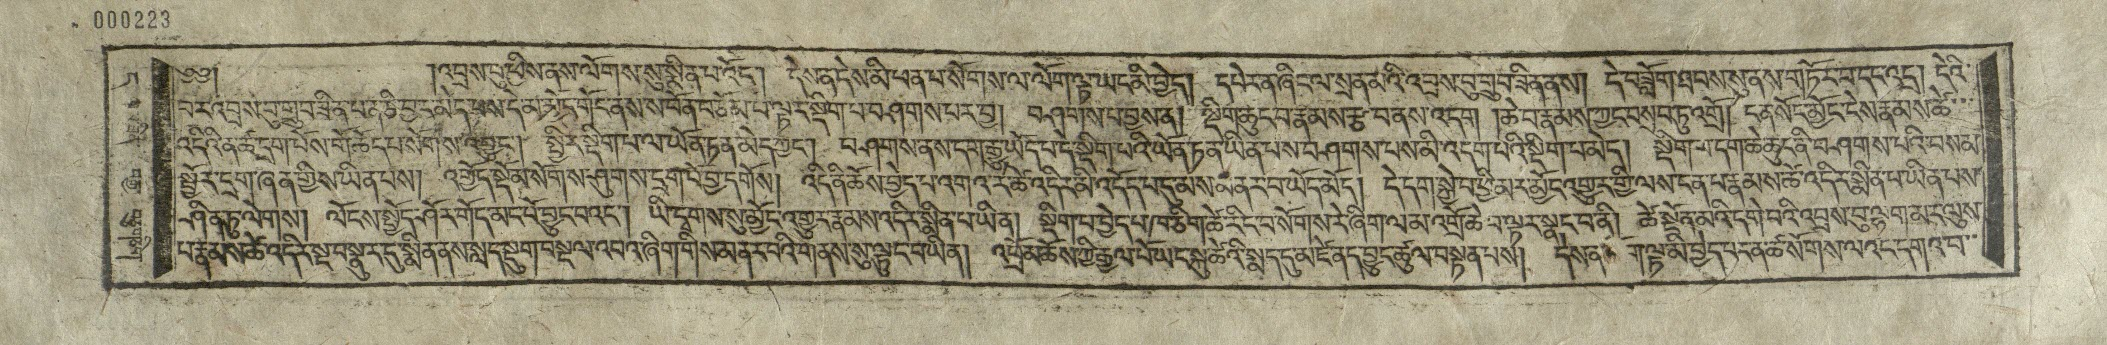༄༅། །འབྲས་བུ་ཕྱིས་ནས་ལོགས་སུ་སྨིན་པ་འོང་། དེས་ན་དེས་མི་ཕན་པ་སོགས་ལ་ལོག་ལྟ་ཡང་མི་བྱེད། དཔེར་ན་ཞིང་ལ་སྲན་མའི་འབྲས་བུ་གྲུབ་ཟིན་ནས། དེ་བཟློག་ཐབས་སུ་ནས་གཏོར་བ་དང་འདྲ། དེའི་
བར་འབྲས་བུ་གྲུབ་ཟིན་པ་ན་ཅི་བྱར་མེད་པས་དེ་མ་མྱོང་གོང་ནས་ས་བོན་བཅོམ་པ་ལྟར་སྡིག་པ་བཤགས་པར་བྱ། བཤགས་པ་བྱས་ན། སྡིག་ཆུང་བ་རྣམས་རྩ་བ་ནས་འདག །ཆེ་བ་རྣམས་ཀྱང་བསྲབ་ཏུ་འགྲོ། ངན་སོང་མྱོང་ངེས་རྣམས་ཚེ་
འདིའི་ན་ཚ་དྲག་པོས་གོ་ཆོད་པ་སོགས་འབྱུང་། སྤྱིར་སྡིག་པ་ལ་ཡོན་ཏན་མེད་ཀྱང་། བཤགས་ནས་དག་རྒྱུ་ཡོད་པ་དེ་སྡིག་པའི་ཡོན་ཏན་ཡིན་པས་བཤགས་པས་མི་འདག་པའི་སྡིག་པ་མེད། སྡིག་པ་དག་ཆེ་ཆུང་ནི་བཤགས་པའི་བསམ་
སྦྱོར་དྲག་ཞན་གྱིས་ཡིན་པས། འགྱོད་སྡོམ་སོགས་ཤུགས་དྲག་པོ་བྱ་དགོས། འདི་ནི་ཆོས་བྱེད་པ་འགའ་རེ་ཚེ་འདིར་མི་འདོད་པ་དུ་མས་མནར་བ་ཡོད་མོད། དེ་དག་སྐྱེ་བ་ཕྱི་མར་མྱོང་འགྱུར་གྱི་ལས་ངན་པ་རྣམས་ཚེ་འདིར་སྨིན་པ་ཡིན་པས་
ཤིན་ཏུ་ལེགས། ལོངས་སྤྱོད་ཤོར་གོད་མང་པོ་བྱུང་བའང་། ཡི་དྭགས་སུ་མྱོང་འགྱུར་རྣམས་འདིར་སྨིན་པ་ཡིན། སྡིག་པ་བྱེད་པ་ཁ་ཅིག་ཚེ་རིང་བ་སོགས་རེ་ཞིག་ལམ་འགྲོ་ཆེ་བ་ལྟར་སྣང་བ་ནི། ཚེ་སྔོན་མའི་དགེ་བའི་འབྲས་བུ་ལྷག་མར་ལུས་
པ་རྣམས་ཚེ་འདིར་སྔ་བསྣུར་དུ་སྨིན་ནས་སླད་སྡུག་བསྔལ་འབའ་ཞིག་གིས་མནར་བའི་གནས་སུ་ལྟུང་བ་ཡིན། འབྲོམ་ཆོས་ཀྱི་རྒྱལ་པོ་ཡང་སྐུ་ཚེའི་སྨད་དུ་མཛེ་ནད་བྱུང་ཚུལ་བསྟན་པས། དེས་ན་ལོག་ལྟ་མི་བྱེད་པར་ན་ཚ་སོགས་ལའང་དགའ་བ་